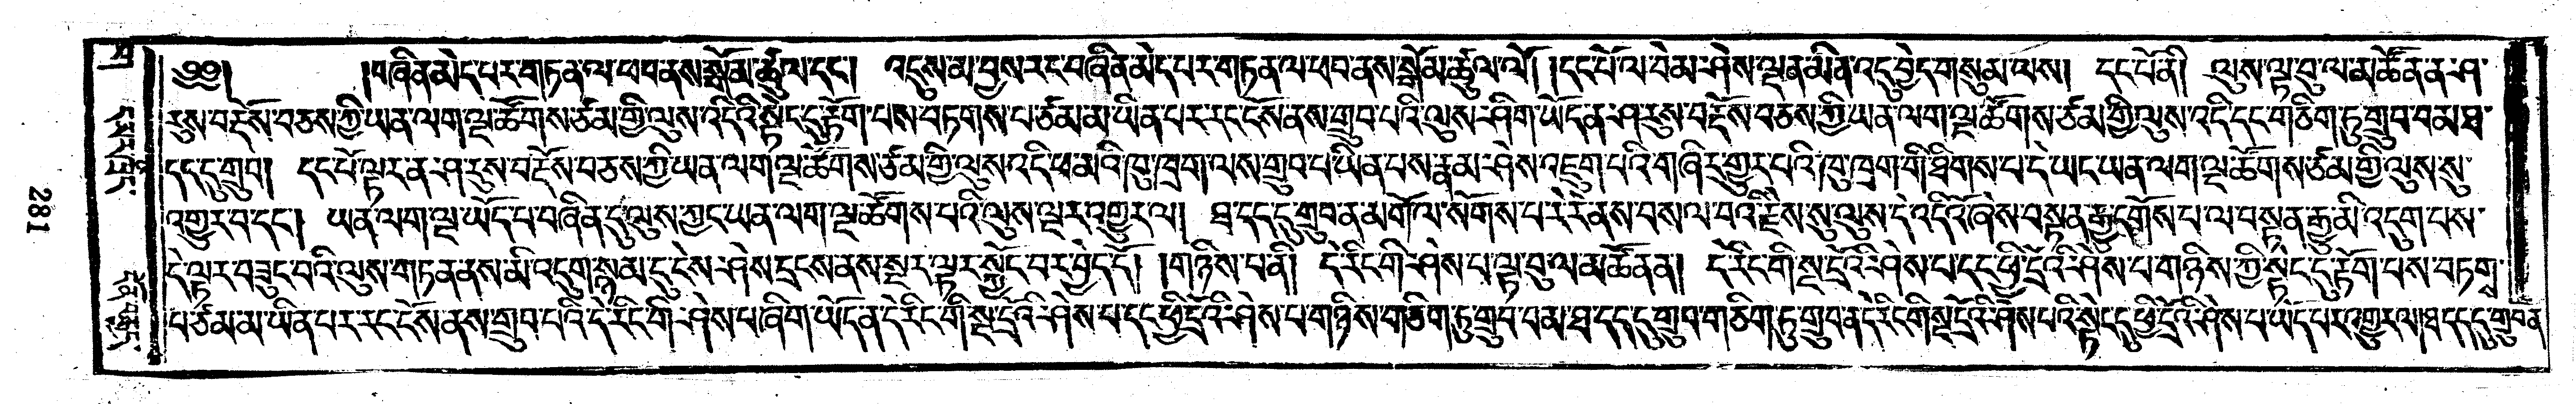༄༅། །བཞིན་མེད་པར་གཏན་ལ་ཕབ་ནས་སྒོམ་ཚུལ་དང་། འདུས་མ་བྱས་རང་བཞིན་མེད་པར་གཏན་ལ་ཕབ་ནས་སྒོམ་ཚུལ་ལོ། །དང་པོ་ལ་བེམ་ཤེས་ལྡན་མིན་འདུ་བྱེད་གསུམ་ལས། དང་པོ་ནི། ལུས་ལྟ་བུ་ལ་མཚོན་ན་ཤ་
རུས་བརྡོས་བཅས་ཀྱི་ཡན་ལག་ལྔ་ཚོགས་ཙམ་གྱི་ལུས་འདིའི་སྟེང་དུ་རྟོག་པས་བཏགས་པ་ཙམ་མ་ཡིན་པར་རང་ངོས་ནས་གྲུབ་པའི་ལུས་ཤིག་ཡོད་ན་ཤ་རུས་བརྡོས་བཅས་ཀྱི་ཡན་ལག་ལྔ་ཚོགས་ཙམ་གྱི་ལུས་འདི་དང་གཅིག་ཏུ་གྲུབ་བ་མཐ་
དང་དུ་གྲུབ། དང་པོ་ལྟར་ན་ཤ་རུས་བརྡོས་བཅས་ཀྱི་ཡན་ལག་ལྔ་ཚོགས་ཙམ་གྱི་ལུས་འདི་ཕ་མའི་ཁུ་ཁྲག་ལས་གྲུབ་པ་ཡིན་པས་རྣམ་ཤེས་འཇུག་པའི་གཞིར་གྱུར་པའི་ཁུ་ཁྲག་གི་ཐིགས་པ་དེ་ཡང་ཡན་ལག་ལྔ་ཚོགས་ཙམ་གྱི་ལུས་སུ་
འགྱུར་བ་དང་། ཡན་ལག་ལྔ་ཡོད་པ་བཞིན་དུ་ལུས་ཀྱང་ཡན་ལག་ལྔ་ཚོགས་པའི་ལུས་ལྔར་འགྱུར་ལ། ཐ་དད་དུ་གྲུབ་ན་མགོ་ལ་སོགས་པ་རེ་རེ་ནས་བསལ་བའི་རྗེས་སུ་ལུས་དེ་འདིའོ་ཞེས་བསྟན་རྒྱུ་དགོས་པ་ལ་བསྟན་རྒྱུ་མི་འདུག་པས་
དེ་ལྟར་བཟུང་བའི་ལུས་གཏན་ནས་མི་འདུག་སྙམ་དུ་ངེས་ཤེས་དྲངས་ནས་སྔར་ལྟར་སྐྱོང་བར་བྱེད་དོ། །གཉིས་པ་ནི། དེ་རིང་གི་ཤེས་པ་ལྟ་བུ་ལ་མཚོན་ན། དེ་རིང་གི་སྔ་དྲོའི་ཤེས་པ་དང་ཕྱི་དྲོའི་ཤེས་པ་གཉིས་ཀྱི་སྟེང་དུ་རྟོག་པས་བཏགས་
པ་ཙམ་མ་ཡིན་པར་རང་ངོས་ནས་གྲུབ་པའི་དེ་རིང་གི་ཤེས་པ་ཞིག་ཡོད་ན་དེ་རིང་གི་སྔ་དྲོའི་ཤེས་པ་དང་ཕྱི་དྲོའི་ཤེས་པ་གཉིས་གཅིག་ཏུ་གྲུབ་བམ་ཐ་དད་དུ་གྲུབ་གཅིག་ཏུ་གྲུབ་ན་དེ་རིང་གི་སྔ་དྲོའི་ཤེས་པའི་སྟེང་དུ་ཕྱི་དྲོའི་ཤེས་པ་ཡོད་པར་འགྱུར་ལ། ཐ་དད་དུ་གྲུབ་ན་